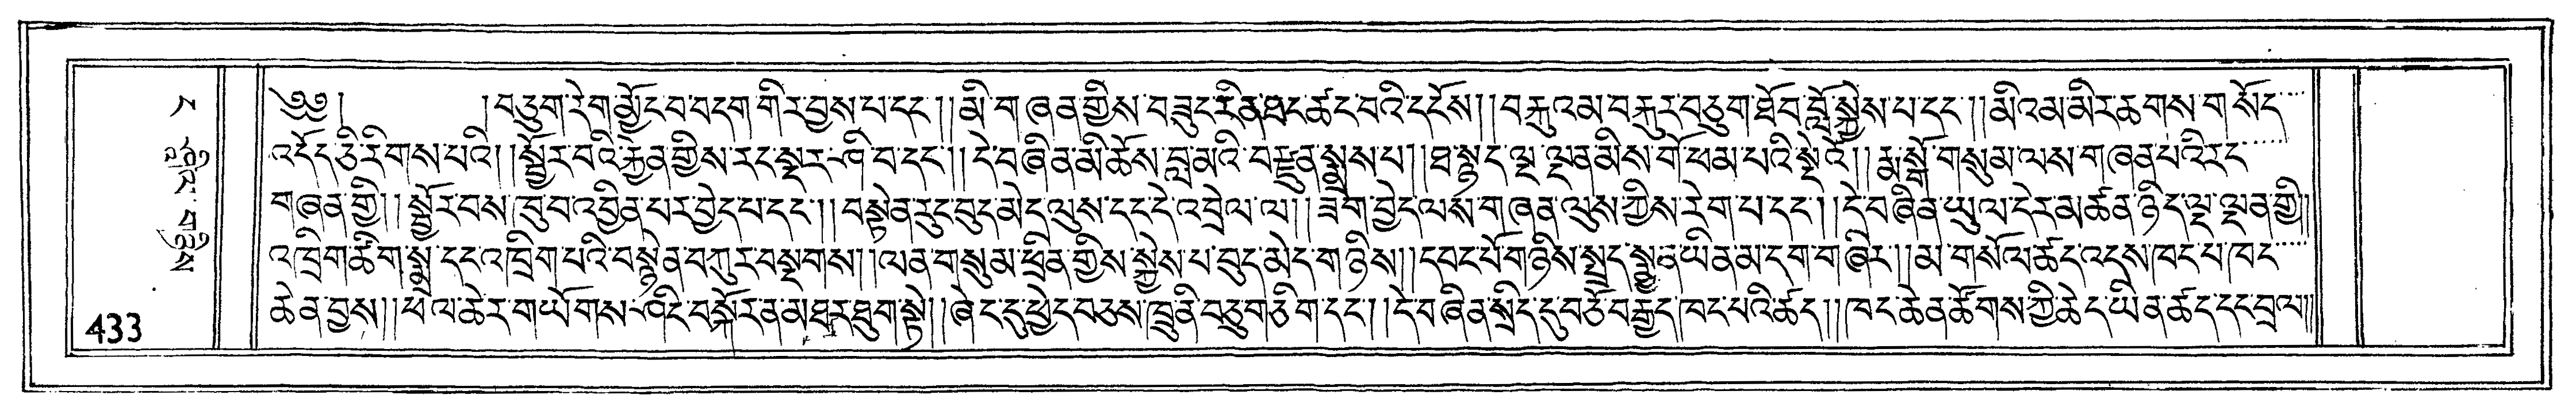༄༅། །བཅུག་རེག་མྱོང་བ་བདག་གིར་བྱས་པ་དང་། །མི་གཞན་གྱིས་བཟུང་རིན་ཐང་ཚང་བའི་དངོས། །བརྐུའམ་བརྐུར་བཅུག་ཐོབ་བློ་སྐྱེས་པ་དང་། །མིའམ་མིར་ཆགས་གསོད་
འདོད་ཅི་རིགས་པའི། །སྦྱོར་བའི་རྐྱེན་གྱིས་རང་སྔར་ཤི་བ་དང་། །དེ་བཞིན་མི་ཆོས་བླ་མའི་བརྫུན་སྨྲས་པ། །ཐ་སྙད་ལྔ་ལྡན་མིས་གོ་ཕམ་པའི་སྡེའོ། །རྨ་སྒོ་གསུམ་ལས་གཞན་པའི་རང་
གཞན་གྱི། །སྦྱོར་བས་ཁུ་བ་འབྱིན་པར་བྱེད་པ་དང་། །བསྟེན་རུང་བུད་མེད་ལུས་དང་དེ་འབྲེལ་ལ། །ཟག་བྱེད་ལས་གཞན་ལུས་ཀྱིས་རེག་པ་དང་། །དེ་བཞིན་ཡུལ་དེར་མཚན་ཉིད་ལྔ་ལྡན་གྱི། །
འཁྲིག་ཚིག་སྨྲ་དང་འཁྲིག་པའི་བསྙེན་བཀུར་བསྔགས། །ལན་གསུམ་ཕྲིན་གྱིས་སྐྱེས་པ་བུད་མེད་གཉིས། །དབང་པོ་གཉིས་སྤྲད་སྨྱན་ཡིན་མ་དག་གཞིར། །མ་གསོལ་ཚད་འདས་ཁང་པ་ཁང་
ཆེན་བྱས། །ཕལ་ཆེར་གཡོགས་ཤིང་བསྐོར་ན་མཐར་ཐུག་སྟེ། །ཞེང་དུ་ཕྱེད་བཅས་ཁྲུ་ནི་བཅུ་གཅིག་དང་། །དེ་བཞིན་སྲིད་དུ་བཅོ་བརྒྱད་ཁང་པའི་ཚད། །ཁང་ཆེན་ཚོགས་ཀྱི་ཆེད་ཡིན་ཚད་དང་བྲལ། །